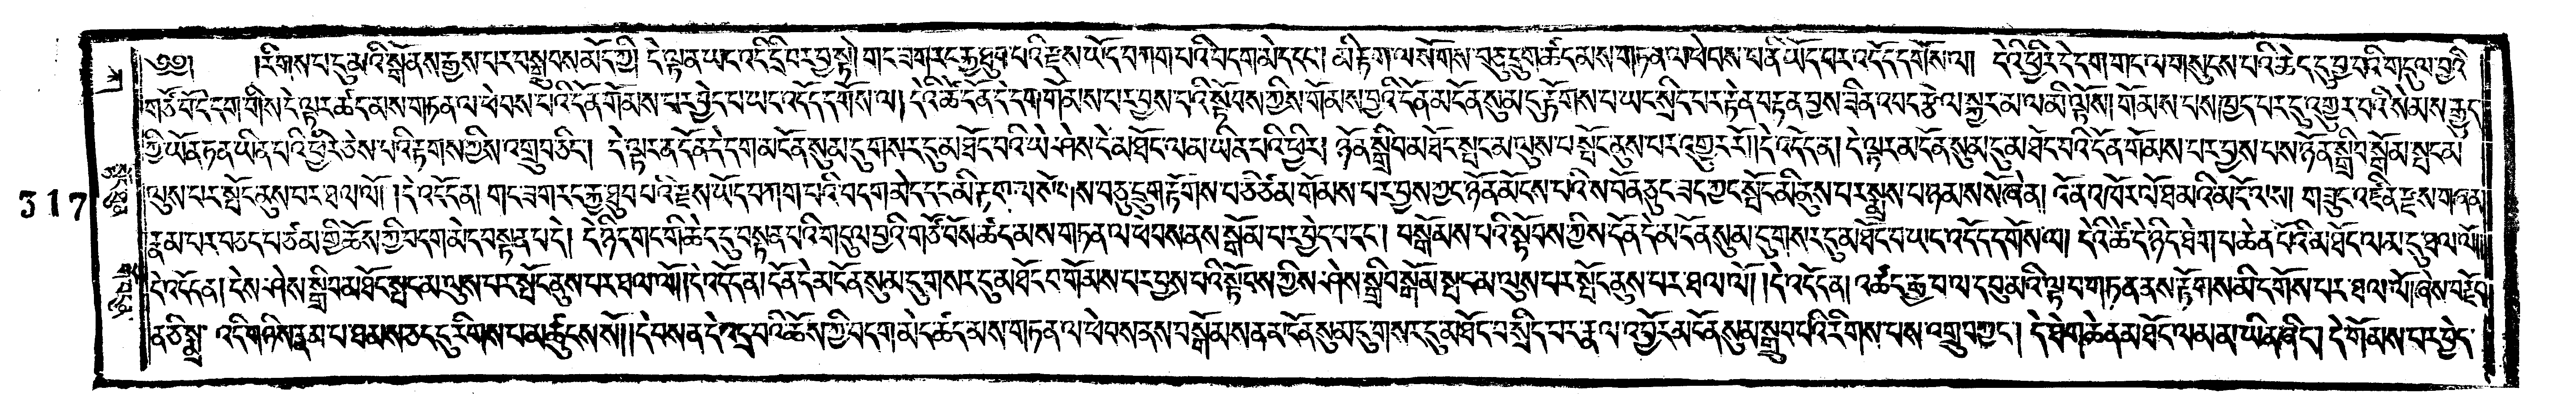༄༅། །རིགས་པ་དུ་མའི་སྒོ་ནས་རྒྱས་པར་བསྒྲུབས་མོད་ཀྱི། དི་ལྟ་ན་ཡང་འདི་དྲི་བར་བྱ་སྟེ། གང་ཟག་རང་རྐྱ་ཐུབ་པའི་རྫས་ཡོད་བཀག་པའི་བདག་མེད་དང་། མི་རྟག་ལ་སོགས་བཅུ་དྲུག་ཚད་མས་གཏན་ལ་ཕེབས་པ་ནི་ཡོད་པར་འདོད་དགོས་ལ། དེའི་ཕྱིར་དེ་དག་གང་ལ་གསུངས་པའི་ཆེད་དུ་བྱ་བའི་གདུལ་བྱའི་
གཙོ་བོ་དེ་དག་གིས་དེ་ལྟར་ཚད་མས་གཏན་ལ་ཕེབས་པའི་དོན་གོམས་པར་བྱེད་པ་ཡང་འདོད་དགེས་ལ། དེའི་ཚེ་དོན་དེ་དག་གོམས་པར་བྱས་བའི་སྟོབས་ཀྱིས་གོམས་བྱའི་དོན་མངོན་སུམ་དུ་རྟོགས་པ་ཡང་སྲིད་པར་རྟེན་བརྟན་བྱས་ཟིན་འབད་རྩེལ་སྐྱར་མ་ལ་མི་ལྟོས། གོམས་པས་ཁྱད་པར་དུ་འགྱུར་བའི་སེམས་རྒྱུད་
ཀྱི་ཡོན་ཏན་ཡིན་པའི་ཕྱིར་ཅེས་པའི་རྟགས་ཀྱིས་འགྲུབ་ཅིང་། དེ་ལྟར་ན་དོན་དེ་དག་མངོན་སུམ་དུ་གསར་དུ་མཐོང་བའི་ཡེ་ཤེས་དེ་མཐོང་ལམ་ཡིན་པའི་ཕྱིར། ཉོན་སྒྲིབ་མཐོང་སྤང་མ་ལུས་པ་སྤོང་ནུས་པར་འགྱུར་རོ། །དེ་འདོད་ན། དེ་ལྟར་མངོན་སུམ་དུ་མཐོང་བའི་དོན་གོམས་པར་བྱས་པས་ཉོན་སྒྲིབ་སྒོམ་སྤང་མ་
ལུས་པར་སྤོང་ནུས་བར་ཐལ་ལོ། །དེ་འདོད་ན། གང་ཟག་རང་རྐྱ་ཐུབ་པའི་རྫས་ཡོད་བཀག་པའི་བདག་མེད་དང་མི་རྟག་ལ་སོགས་བཅུ་དྲུག་རྟོགས་པ་ཅི་ཙམ་གོམས་པར་བྱས་ཀྱང་ཉོན་མོངས་པའི་ས་བོན་ཅུང་ཟད་ཀྱང་སྤོང་མི་ནུས་བར་སྨྲས་པ་ཉམས་སོ་ཞེ་ན། འོ་ན་འཁོར་ལོ་ཐ་མའི་མདོ་ལས། གཟུང་འཛིན་རྫས་གཞན་
རྣམ་པར་བཅད་པ་ཙམ་གྱི་ཆོས་ཀྱི་བདག་མེད་བསྟན་པ་དེ། དེ་ཉིད་གང་གི་ཆེད་དུ་བསྟན་པའི་གདུལ་བྱའི་གཙོ་བོས་ཚད་མས་གཏན་ལ་ཕེབས་ནས་སྒོམ་པར་བྱེད་པ་དང་། བསྒོམས་པའི་སྟོབས་ཀྱིས་དོན་དེ་མངོན་སུམ་དུ་གསར་དུ་མཐོང་བ་ཡང་འདོད་དགོས་ལ། དེའི་ཚེ་དེ་ཉིད་ཐེག་པ་ཆེན་པོའི་མཐོང་ལམ་དུ་ཐལ་ལོ།།
དེ་འདོད་ན། དེས་ཤེས་སྒྲིབ་མཐོང་སྤང་མ་ལུས་པར་སྤོང་ནུས་པར་ཐལ་ལོ། །དེ་འདོད་ན། དོན་དེ་མངོན་སུམ་དུ་གསར་དུ་མཐོང་བ་གོམས་པར་བྱས་པའི་སྟོབས་ཀྱིས་ཤེས་སྒྲིབ་སྒོམ་སྤང་མ་ལུས་པར་སྤོང་ནུས་པར་ཐལ་ལོ། །དེ་འདོད་ན། འཚང་རྒྱ་བ་ལ་དབུ་མའི་ལྟ་བ་གཏན་ནས་རྟོགས་མི་དགོས་པར་ཐལ་ལོ། ཞེས་བརྗོད་
ན་ཅི་སྨྲ་འདི་གཉིས་རྣམ་པ་ཐམས་ཅད་དུ་རིགས་པ་མཚུངས་སོ། །དེ་བས་ན་དེ་འདྲ་བའི་ཆོས་ཀྱི་བདག་མེད་ཚད་མས་གཏན་ལ་ཕེབས་ནས་བསྒོམས་ན་མངོན་སུམ་དུ་གསར་དུ་མཐོང་བ་སྲིད་པར་རྣལ་འབྱོར་མངོན་སུམ་སྒྲུབ་པའི་རིགས་པས་འགྲུབ་བྱང་། དེ་ཐེག་ཆེན་མཐོང་ལམ་མ་ཡིན་ཞིང་། དེ་གོམས་པར་བྱེད་